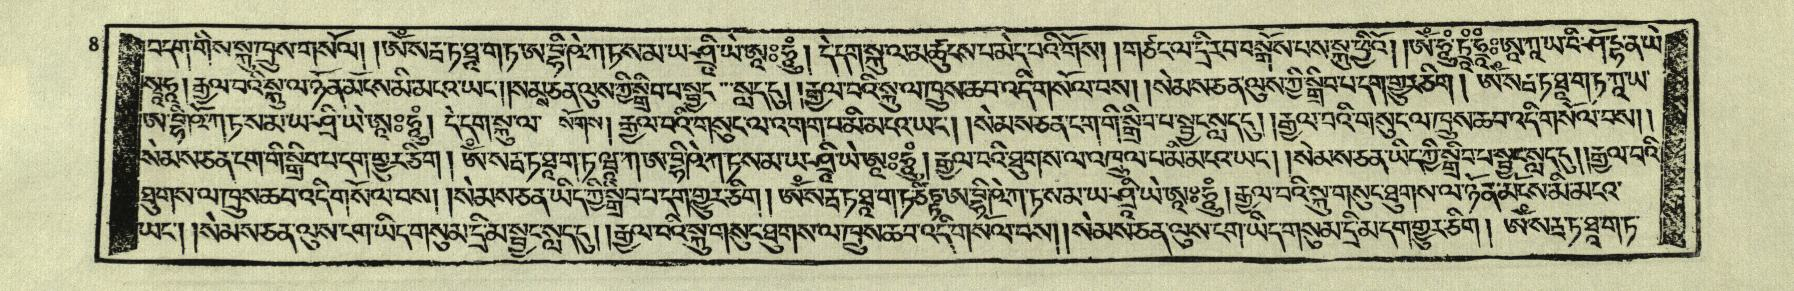བདག་གིས་སྐུ་ཁྲུས་གསོལ། །ཨོཾསརྦ་ཏ་ཐཱ་ག་ཏ་ཨ་བྷིཥེ་ཀ་ཏ་ས་མ་ཡ་ཤྲཱི་ཡེ་ཨཱཿཧཱུཾ། དེ་དག་སྐུ་ལ་མཚུངས་པ་མེད་པའི་གོས། །གཙང་ལ་དྲི་རབ་བསྒོས་པས་སྐུ་ཕྱིའོ། །ཨོཾ་ཧཱུཾ་ཏྲའཾ་ཧྲའཾཿ ཨཱ་ཀཱ་ཡ་བི་ཤོ་དྷ་ན་ཡེ་
སཱཧཱ། རྒྱལ་བའི་སྐུ་ལ་ཉོན་མོངས་མི་མངའ་ཡང།། སམས་ཅན་ལུས་ཀྱི་སྒིབ་པ་སྦྱང་སླད་དུ། །རྒྱལ་བའི་སྐུ་ལ་ཁྲུས་ཆབ་འདི་གསོལ་བས། །སེམས་ཅད་ལུས་ཀྱི་སྒྲིབ་པ་དག་གྱུར་ཅིག ། ཨོཾ་སརྦ་ཏ་ཐཱ་ག་ཏ་ཀཱ་ཡ་
ཨེ་བྷི་ཥོ་ཀ་ཏ་ས་མ་ཡ་ཤྲི་ཡེ་ཨཱཿཧཱུཾ། དེ་དག་སྐུ་ལ་སོགས། རྒྱལ་བའི་གསུང་ལ་འགག་པ་མི་མངའ་ཡང་། །སེམས་ཅན་དག་གི་སྒྲིབ་པ་སྦྱང་སླད་དུ། །རྒྱལ་བའི་གསུང་ལ་ཁྲུས་ཆབ་འདི་གསོལ་བས། །
སེམས་ཅན་དག་གི་སྒྲིབ་པ་དག་གྱུར་ཅིག། །ཨོཾ་སརྦ་ཏ་ཐཱ་ག་ཏ་ཝའ་ཥེ་ཀ་ཏ་ས་མ་ཡ་ཤྲཱི་ཡེ་ཨཱཿཧཱུཾ། རྒྱལ་བའི་ཐུགས་ལ་འཁྲུལ་པ་མི་མངའ་ཡང་། །སེམས་ཅན་ཡིད་ཀྱི་སྒྲིབ་པ་སྦྱང་སླད་དུ། །རྒྱལ་བའི་
ཐུགས་ལ་ཁྲུས་ཆབ་འདི་གསོལ་བས། །སེམས་ཅན་ཡིད་ཀྱི་སྒྲིབ་པ་དག་གྱུར་ཅིག། །ཨོཾསརྦ་ཐཱ་ག་ཏ་རྩིཏྟ་ཨ་བྷི་ཥེ་ཀ་ཏ་ས་མ་ཡ་ཤྲི་ཡེ་ཨཱཿཧཱུཾ། རྒྱལ་བའི་སྐུ་གསུང་ཐུགས་ལ་ཉོན་མོངས་མི་མངའ་
ཡང་། །སེམས་ཅན་ལུས་ངག་ཡིད་གསུམ་དྲི་མ་སྦྱང་སླད་དུ། །རྒྱལ་བའི་སྐུ་གསུང་ཐུགས་ལ་ཁྲུས་ཆབ་འདི་གསོལ་བས། །སེམས་ཅན་ལུས་ངག་ཡིད་གསུམ་དྲི་མ་དག་གྱུར་ཅིག ། ཨོཾ་སརྦ་ཏ་ཐཱ་ག་ཏ་